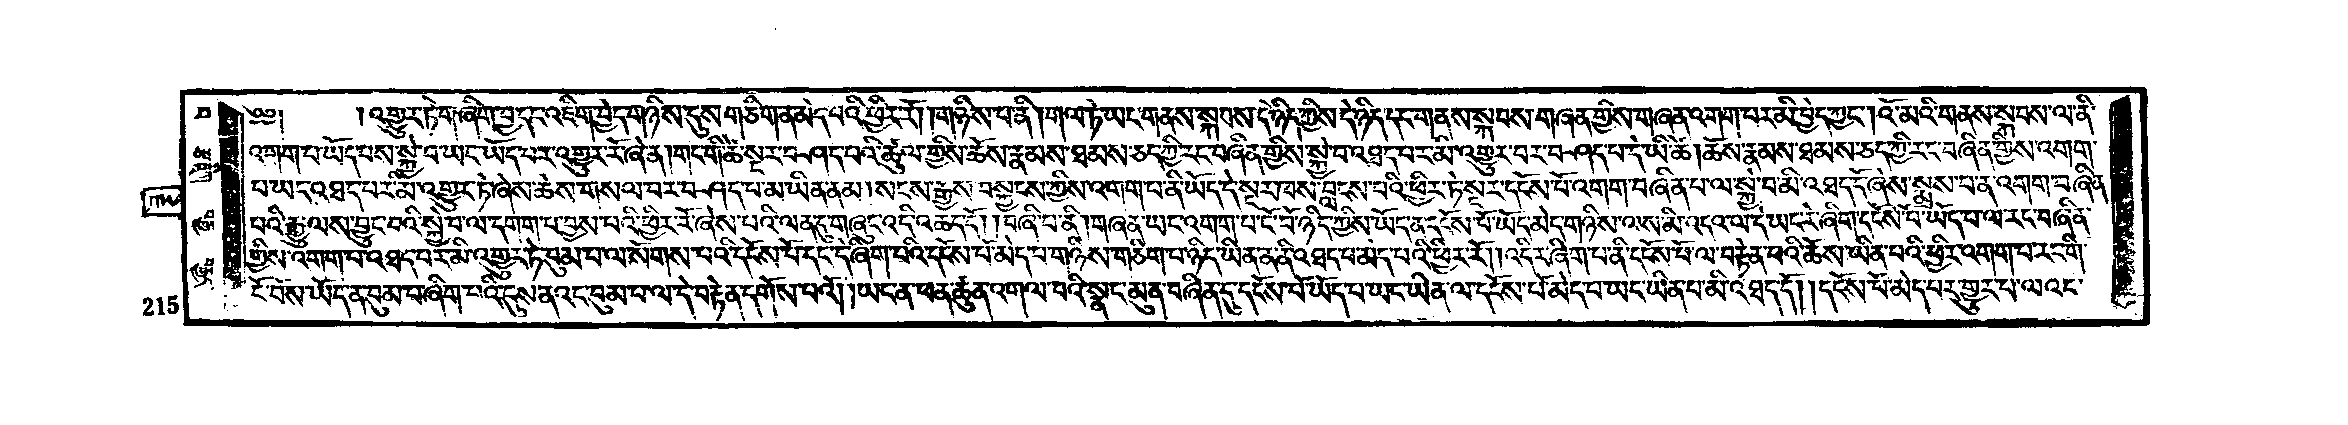༄༅། །འགྱུར་ཏེ་གཞིག་བྱ་དང་འཇིག་བྱེད་གཉིས་དུས་གཅིག་ན་མེད་པའི་ཕྱིར་རོ། །གཉིས་པ་ནི། གལ་ཏེ་ཡང་གནས་སྐབས་དེ་ཉིད་ཀྱིས་དེ་ཉིད་དང་གནས་སྐབས་གཞན་གྱིས་གཞན་འགག་པར་མི་བྱེད་ཀྱང་། འོ་མའི་གནས་སྐབས་ལ་ནི་
འགག་པ་ཡོད་པས་སྐྱེ་བ་ཡང་ཡོད་པར་འགྱུར་རོ་ཞེ་ན། གང་གི་ཚེ་སྔར་བཤད་པའི་ཚུལ་གྱིས་ཆོས་རྣམས་ཐམས་ཅད་ཀྱི་རང་བཞིན་གྱིས་སྐྱེ་བ་འཐད་པར་མི་འགྱུར་བར་བཤད་པ་དེ་ཡི་ཚེ། ཆོས་རྣམས་ཐམས་ཅད་ཀྱི་རང་བཞིན་གྱིས་འགག་
པ་ཡང་འཐད་པར་མི་འགྱུར་ཏེ་ཞེས་ཆེས་གསལ་བར་བཤད་པ་མ་ཡིན་ནམ། སངས་རྒྱས་བསྐྱངས་ཀྱིས་འགག་པ་ནི་ཡོད་དེ་སྔར་ཁས་བླངས་པའི་ཕྱིར་ཏེ་སྔར་དངོས་པོ་འགག་བཞིན་པ་ལ་སྐྱེ་བ་མི་འཐད་དོ་ཞེས་སྨྲས་པ་ནི་འགག་བཞིན་
པའི་རྒྱུ་ལས་བྱུང་བའི་སྐྱེ་བ་ལ་དགག་པ་བྱས་པའི་ཕྱིར་རོ་ཞེས་པའི་ལན་དུ་གཞུང་འདི་འཆད་དོ། །བཞི་པ་ནི། །གཞན་ཡང་འགག་པ་ངོ་བོ་ཉིད་ཀྱིས་ཡོད་ན་དངོས་པོ་ཡོད་མེད་གཉིས་ལས་མི་འདའ་ལ་དེ་ཡང་རེ་ཞིག་དངོས་པོ་ཡོད་པ་ལ་རང་བཞིན་
གྱིས་འགག་པ་འཐད་པར་མི་འགྱུར་ཏེ་བུམ་པ་ལ་སོགས་པའི་དངོས་པོ་དང་དེ་ཞིག་པའི་དངོས་པོ་མེད་པ་གཉིས་གཅིག་པ་ཉིད་ཡིན་ན་ནི་འཐད་པ་མེད་པའི་ཕྱིར་རོ། །འདིར་ཞིག་པ་ནི་དངོས་པོ་ལ་བརྟེན་པའི་ཆོས་ཡིན་པའི་ཕྱིར་འགག་པ་རང་གི་
ངོ་བོས་ཡོད་ན་བུམ་པ་ཞིག་པའི་དུས་ནའང་བུམ་པ་ལ་དེ་བརྟེན་དགོས་པའོ། །ཡང་ན་ཕན་ཚུན་འགལ་བའི་སྣང་མུན་བཞིན་དུ་དངོས་པོ་ཡོད་པ་ཡང་ཡིན་ལ་དངོས་པོ་མེད་པ་ཡང་ཡིན་པ་མི་འཐད་དོ། །དངོས་པོ་མེད་པར་གྱུར་བ་ལའང་